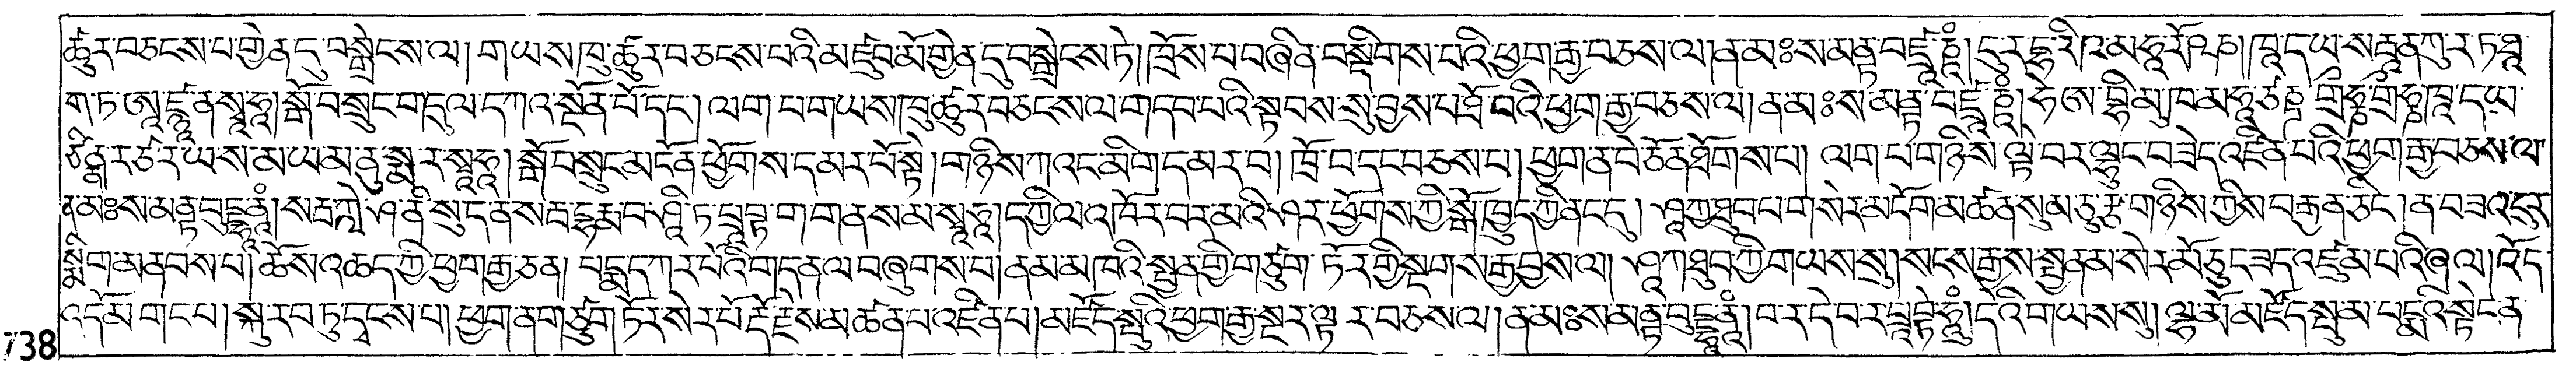ཚུར་བཅངས་པ་གྱེན་དུ་བསྒྲེངས་ལ། གཡས་ཁུ་ཚུར་བཅངས་པའི་མཛུབ་མོ་གྱེན་དུ་བསྒྲེངས་ཏེ། ཁྲོས་པ་བཞིན་བསྡིགས་པའི་ཕྱག་རྒྱ་བཅས་ལ། ན་མཿ ས་མནྟ་བཛྲཱ་ཎཱཾ། དུ་ར་དྷ་རི་ཥ་མཧཱ་རོ་ཥ་ཎ། ཁཱ་ད་ཡ་སརྦཱ་ན་ཀུ་ར་ཏ་ཐཱ་
ག་ཏ་ཨཱ་ཛྙཱ་ན་སྭཱཧཱ། སྒོ་བསྲུང་གདུལ་དཀའ་སྔོན་པོ་དང་། ལག་པ་གཡས་ཁུ་ཚུར་བཅངས་ལ་གདབ་པའི་སྟབས་སུ་བྱས་པ་ཐོ་བའི་ཕྱག་རྒྱ་བཅས་ལ། ན་མཿ ས་མནྟ་བཛྲཱ་ཎཱཾ། ཧེ་ཨ་བྷི་མུ་ཁ་མཧཱ་ཙཎྜ་གྲྀཧྞ་གྲྀཧྞ་ཁཱ་ད་ཡ་
ཙིནྣ་ར་ཙ་ར་ཡ་ས་མ་ཡ་མ་ནུ་སྨ་ར་སྭཱཧཱ། སྒོ་བསྲུང་མངོན་ཕྱོགས་དམར་པོ་སྟེ། གཉིས་ཀའང་མིག་དམར་བ། ཁྲོ་བ་དང་བཅས་པ། ཕྱག་ན་བེ་ཅོན་ཐོགས་པ། ལག་པ་གཉིས་ལྟེ་བར་ལྷུང་བཟེད་འཛིན་པའི་ཕྱག་རྒྱ་བཅས་ལ་
ན་མཿ ས་མནྟ་བུདྡྷཱ་ནཱཾ། སརྦ་ཀླེ་ཤ་ནི་སུ་ད་ན་སརྦ་དྷརྨ་བ་ཤཱི་ཏ་པྲཱ་བཏ་ག་གནས་མ་སྭཱཧཱ། དཀྱིལ་འཁོར་བར་མའི་ཤར་ཕྱོགས་ཀྱི་སྒོ་ཁྱུད་ཀྱི་ནང་དུ། ཤཱཀྱ་ཐུབ་པ་གསེར་མདོག་མཚན་སུམ་ཅུ་རྩ་གཉིས་ཀྱིས་བརྒྱན་ཅིང་། ན་བཟའ་ངུར་
སྨིག་མནབས་པ། ཆོས་འཆད་ཀྱི་ཕྱག་རྒྱ་ཅན། པདམ་དཀར་པོའི་གདན་ལ་བཞུགས་པ། ནམ་མཁའི་སྤྱན་གྱི་གཙུག་ཏོར་གྱི་སྔགས་རྒྱ་བྱས་ལ། ཤཱཀྱ་ཐུབ་ཀྱི་གཡས་སུ། སངས་རྒྱས་སྤྱན་མ་སེར་མོ་ཅུང་ཟད་འཛུམ་པའི་ཞལ། འོད་
འདོམ་གང་པ། སྐུ་རབ་ཏུ་དྭངས་པ། ཕྱག་ན་གཙུག་ཏོར་སེར་པོ་རྡོ་རྗེས་མཚན་པ་འཛིན་པ། མཛོད་སྤུའི་ཕྱག་རྒྱ་སྔར་ལྟར་བཅས་ལ། ན་མཿ ས་མནྟ་བུདྡྷཱ་ནཱཾ། བ་ར་དེ་བ་ར་པྲཱབཏེ་ཧཱུཾ། དེའི་གཡས་སུ། ལྷ་མོ་མཛོད་སྤུ་མ་པདམའི་སྟེང་ན་